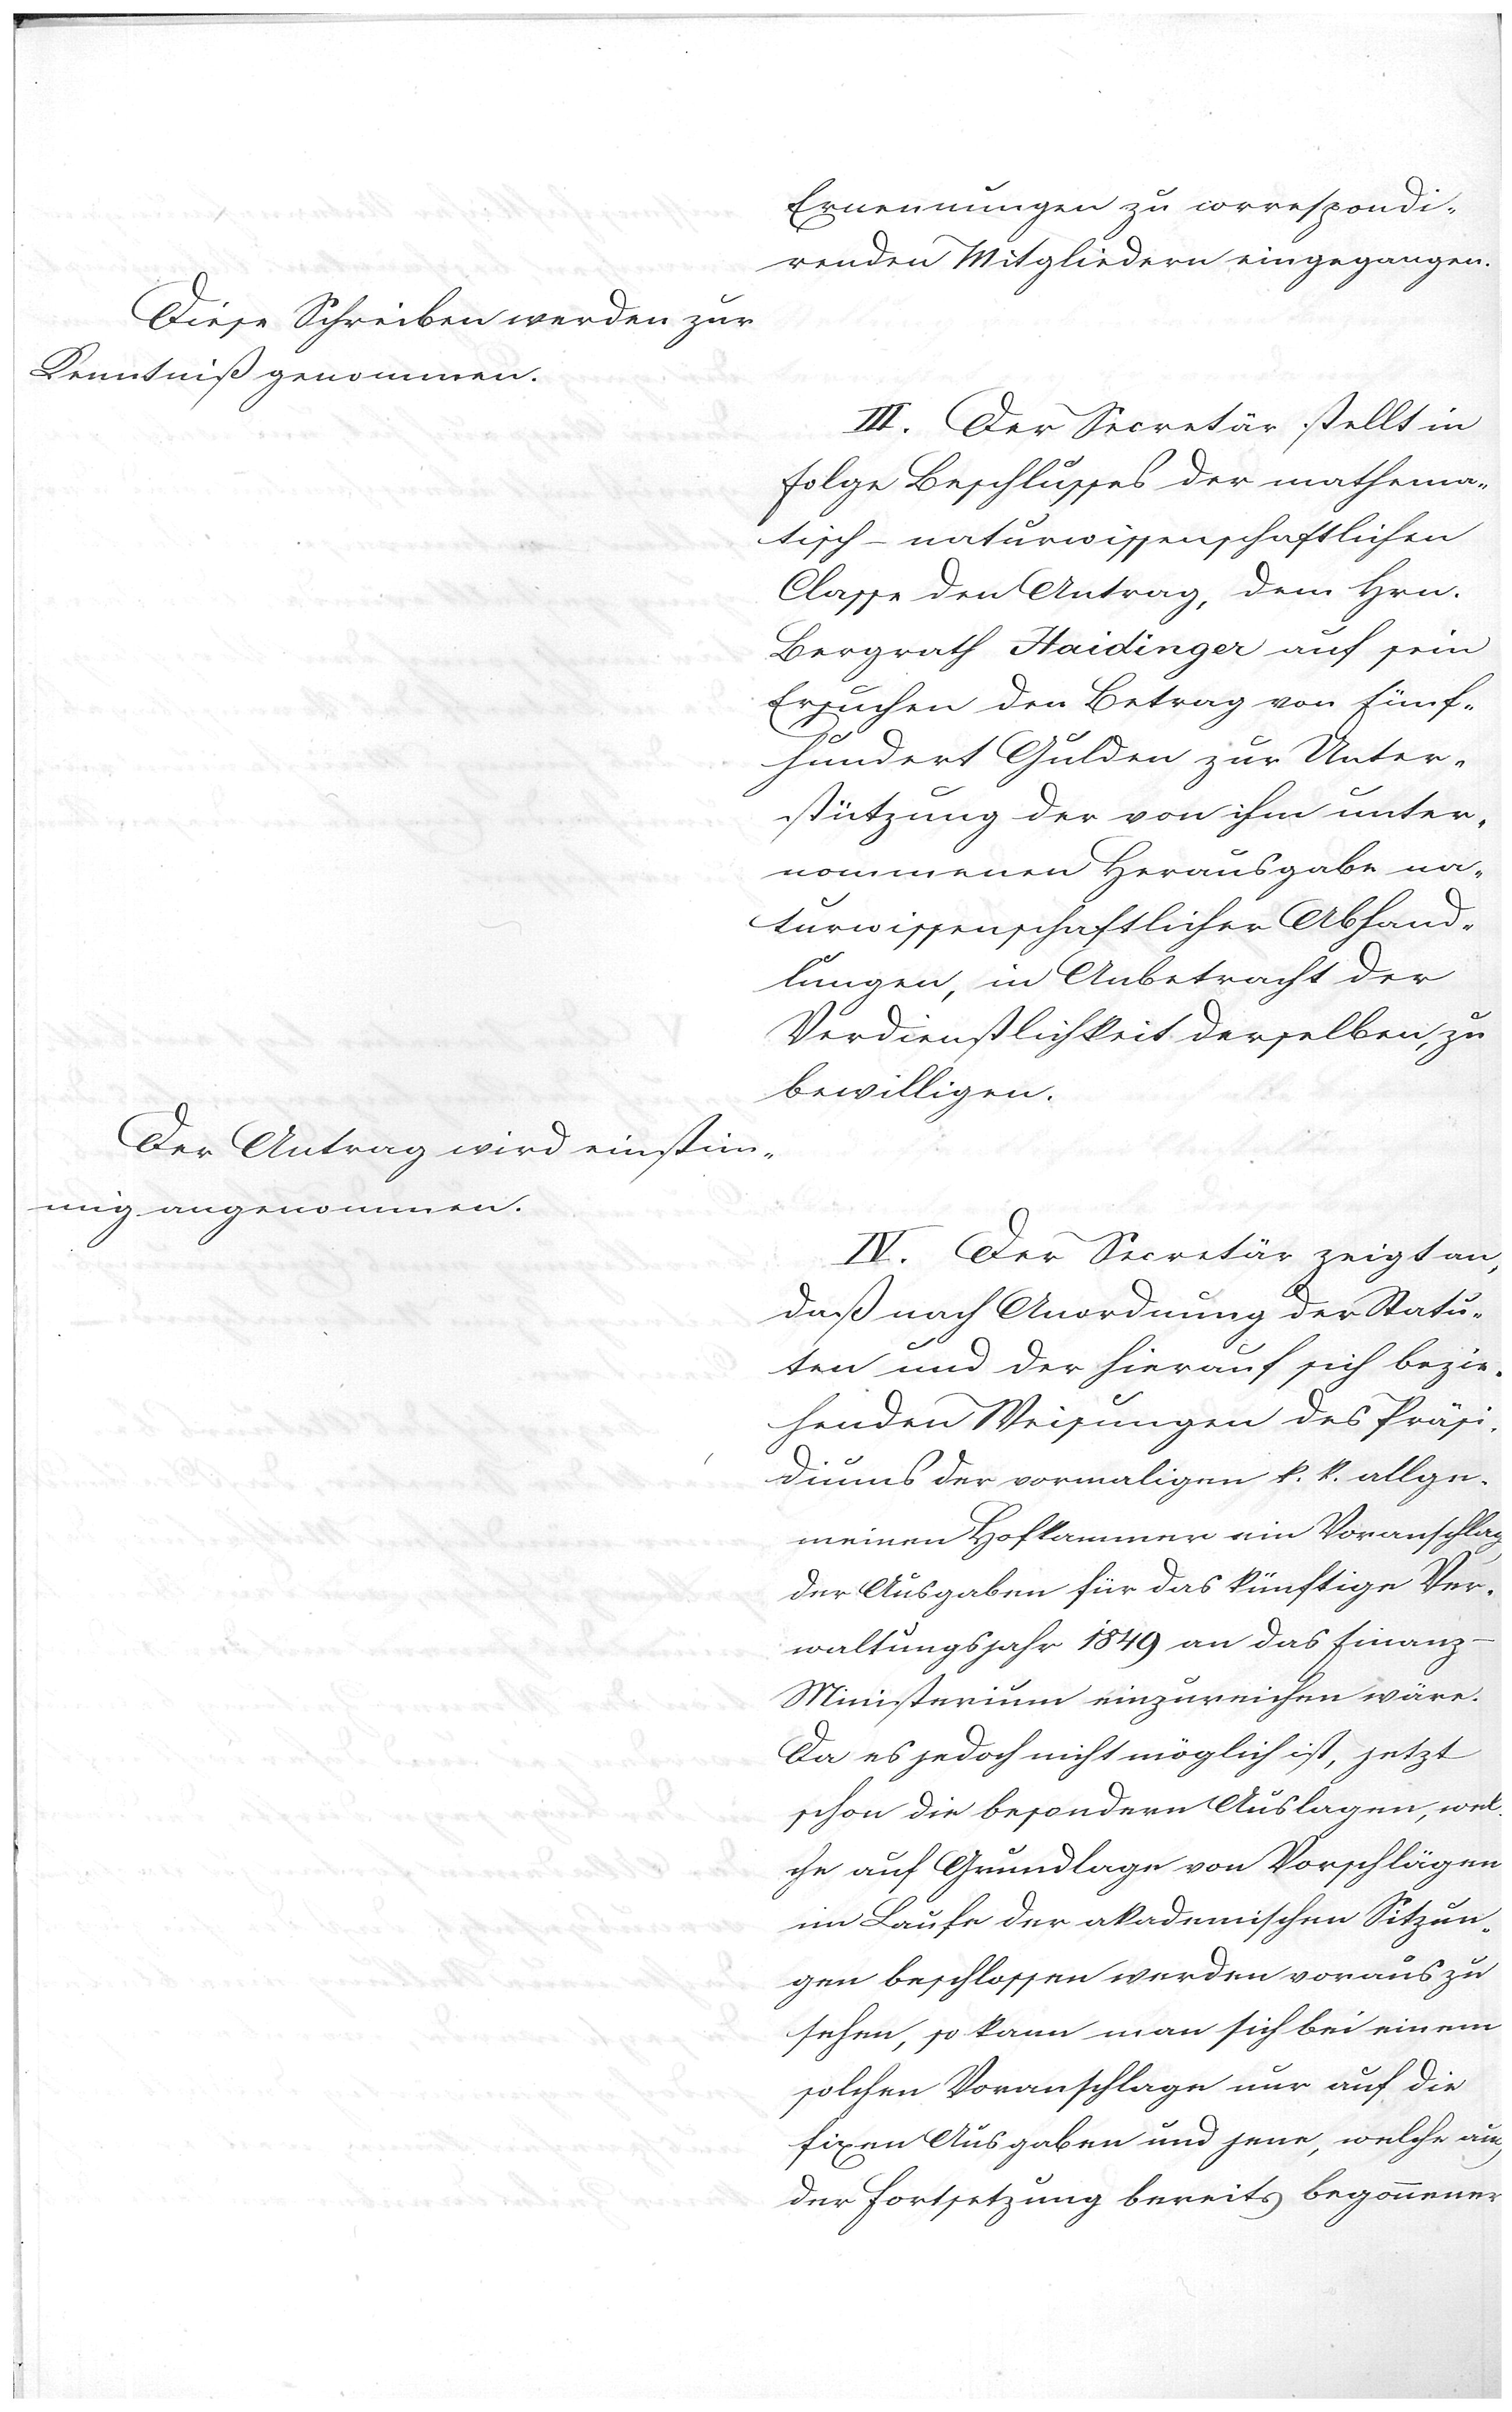Ernennungen zu correspondi
renden Mitgliedern eingegangen.
Diese Schreiben werden zur
Kenntniß genommen.
III. Der Secretär stellt in
Folge Beschlusses der mathema-
tisch-naturwissenschaftlichen
Classe den Antrag, dem Hrn.
Bergrath Haidinger auf sein
Ersuchen den Betrag von fünf-
hundert Gulden zur Unter-
stützung der von ihm unter-
nommenen Herausgabe na-
turwissenschaftlicher Abhand-
lungen, in Anbetracht der
Verdienstlichkeit derselben, zu
bewilligen.
Der Antrag wird einstim-
mig angenommen.
IV. Der Secretär zeigt an,
daß nach Anordnung der Statu-
ten und der hierauf sich bezie-
henden Weisungen des Präsi-
diums der vormaligen k. k. allge-
meinen Hofkammer ein Voranschlag
der Ausgaben für das künftige Ver-
waltungsjahr 1849 an das Finanz-
Ministerium einzureichen wäre.
Da es jedoch nicht möglich ist, jetzt
schon die besondern Auslagen, wel-
che auf Grundlage von Vorschlägen
im Laufe der akademischen Sitzun-
gen beschlossen werden voraus zu
sehen, so kann man sich bei einem
solchen Voranschlage nur auf die
fixen Ausgaben und jene, welche aus
der Fortsetzung bereits begonnener